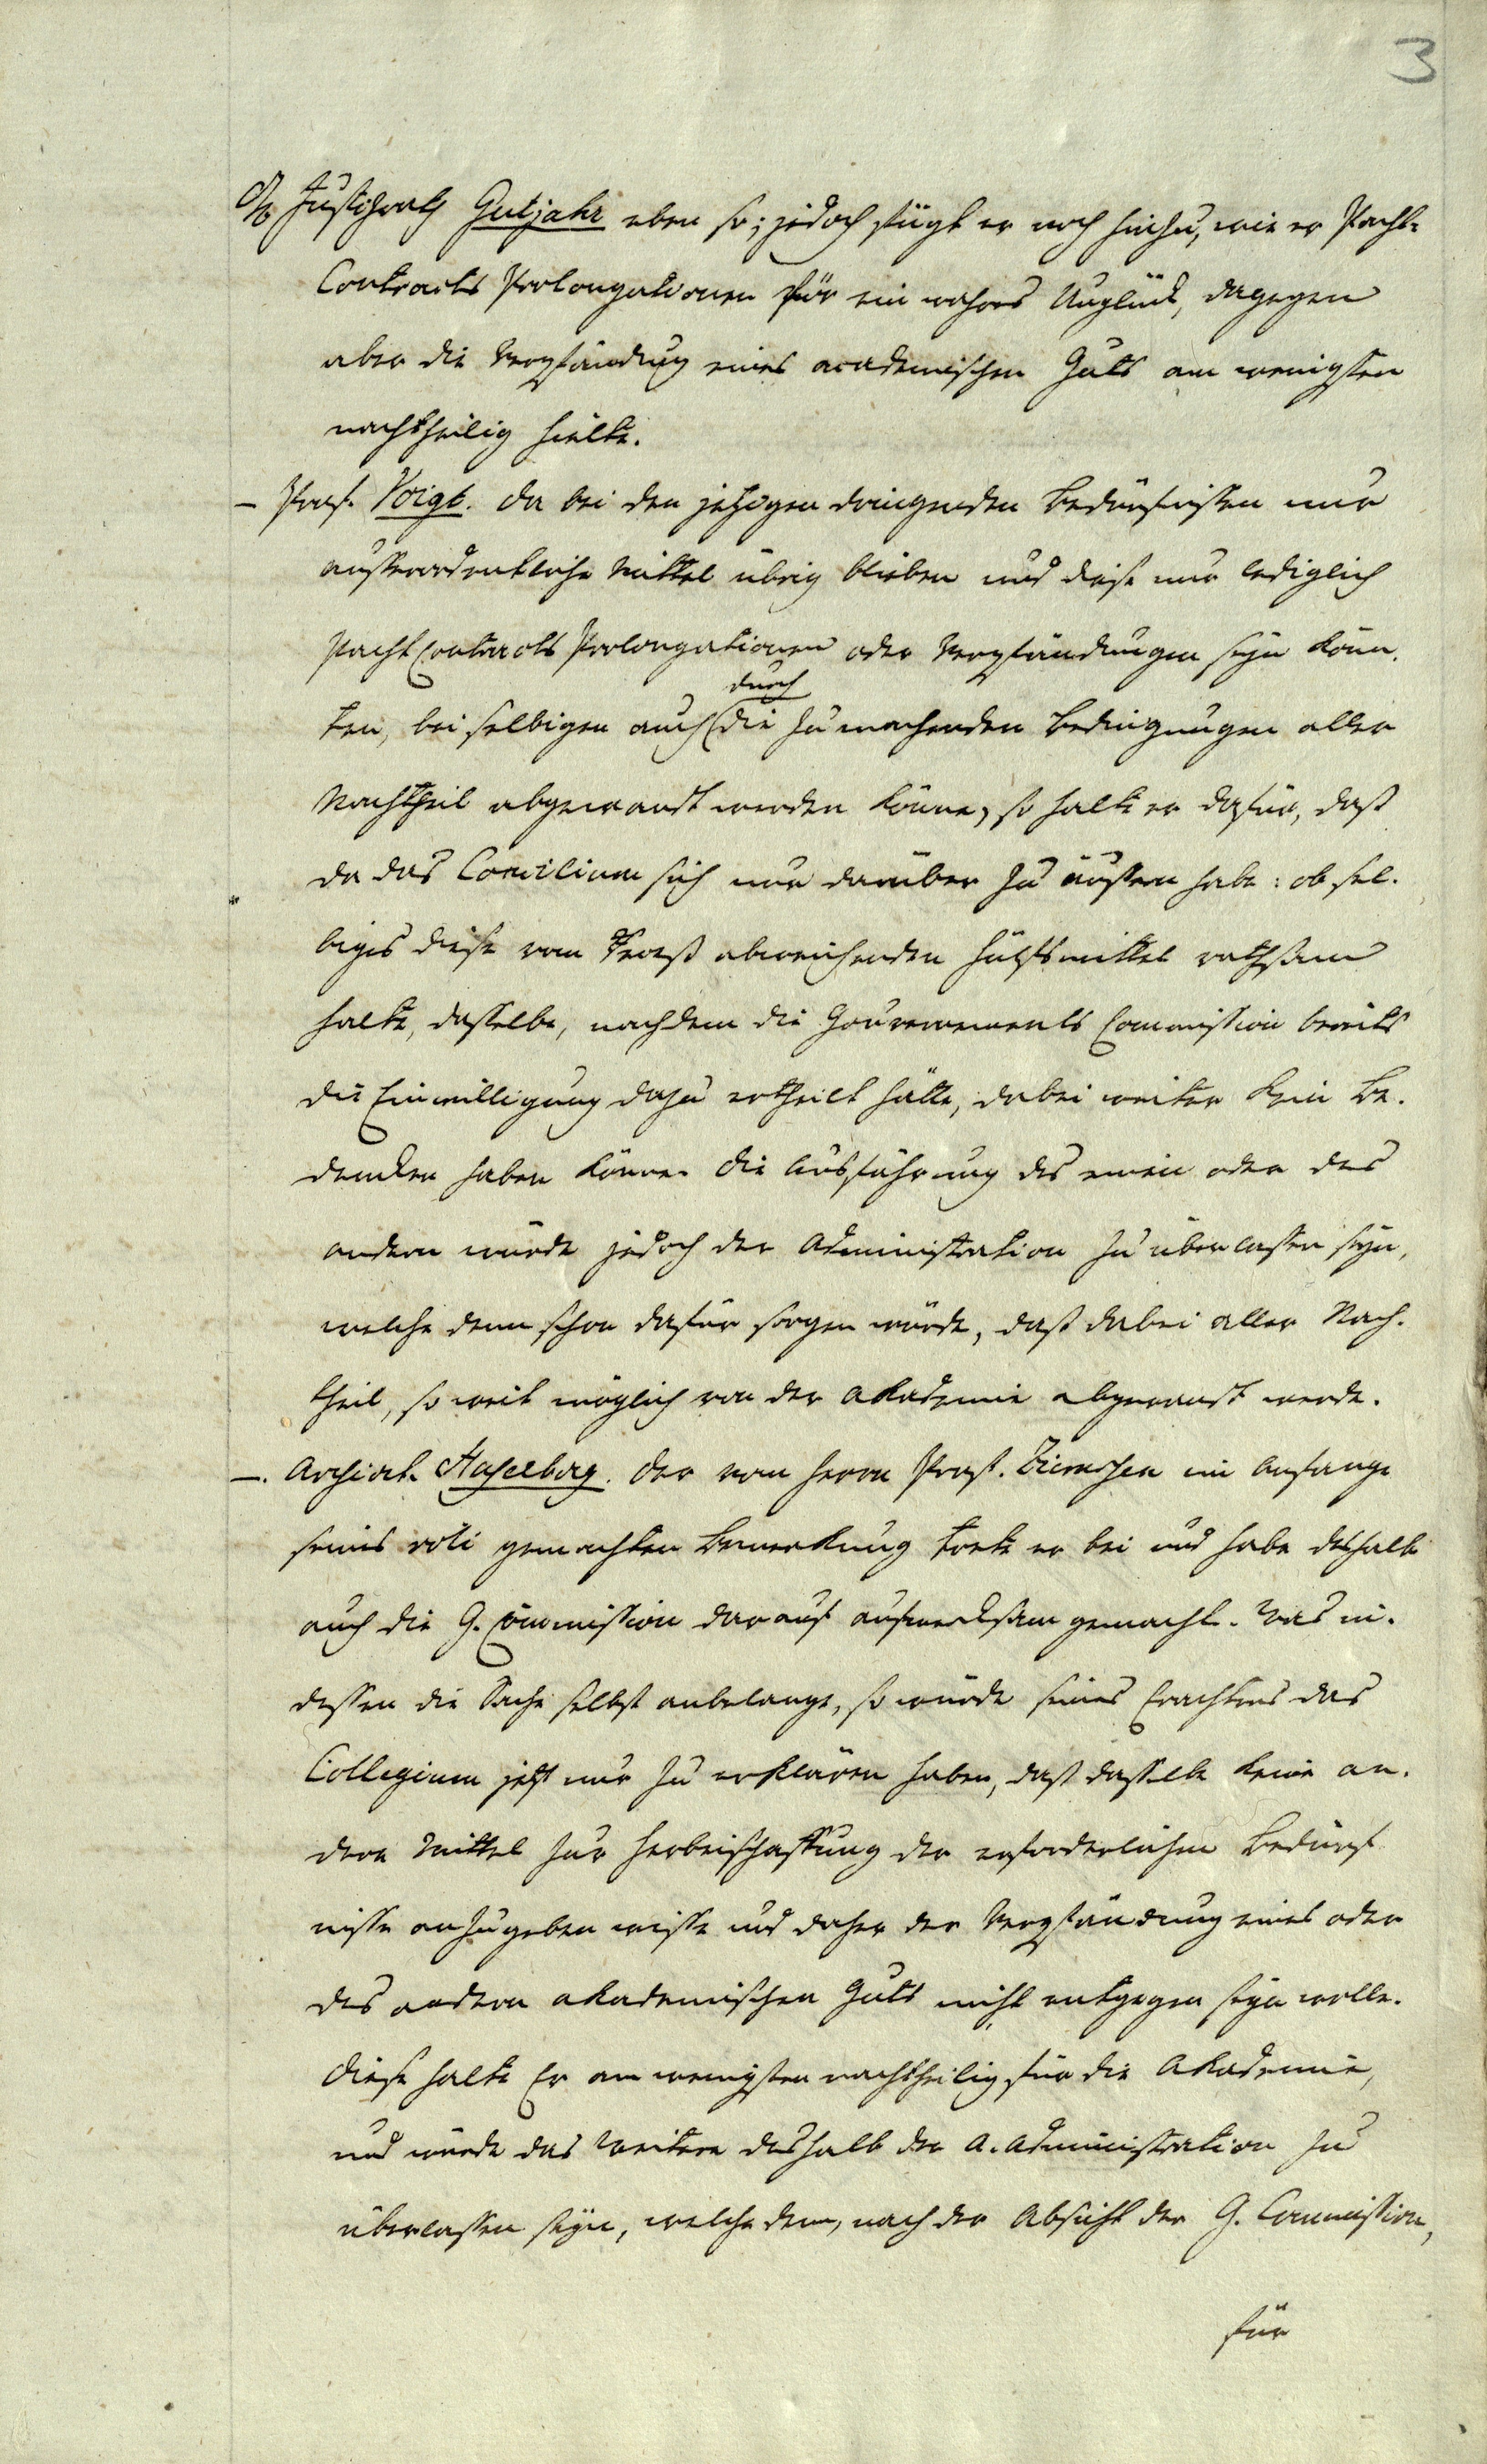dh. Justizrath Gutjahr eben so; jedoch füget er noch hinzu, wie er Pacht¬
Contracts Prolongationen für ein wahres Unglück, dagegen
aber die Verpfändug eines academischen Guts am wenigsten
nachtheilig hielte.
Prof. Voigt. Da bei den jetzigen dringenden Bedürfnissen nur
ausserordentliche Mittel übrig blieben und diese nur lediglich
Pacht Contracts Prolongationen oder Verpfändungen seÿn könn¬
ten, bei selbigen auch durch die zu machenden Bedingungen aller
Nachtheil abgewandt werden könne, so halte er dafür, daß
da das Concilium sich nur darüber zu äussern habe: ob sel¬
biges diese vom Receß abweichenden Hülfsmittel rathsam
halte, dasselbe, nach dem die Gouvernements Commission bereits
die Einwilligung dazu ertheilt hätte, dabei weiter kein Be¬
denken haben könne. Die Ausführung des einen oder des
andern würde jedoch der Administration zu über lassen seÿn,
welche denn schon dafür sorgen würde, daß dabei aller Nach¬
theil, so weit möglich von der Akademie abgewandt werde.
Archiat. Haselberg. der vom Herrn Prof. Ziemssen im Anfange
seines voti gemachten Bemerkung trete er bei und habe deshalb
auch die G. Commission darauf aufmerksam gemacht. Was in¬
dessen die Sache selbst anbelange, so würde seines Erachtens das
Collegium jetzt nur zu erklären haben, daß dasselbe keine an¬
dere Mittel zur Herbeischaffung der erforderlichen Bedürf¬
nisse anzugeben wisse und daher der Verpfändung eines oder
des andern akademischen Guts nicht entgegen seÿn wolle.
Diese halte Er am wenigsten nachtheilig für die Akademie,
und würde das Weitere deshalb der A. Administration zu
überlassen seÿn, welche denn, nach der Absicht der G. Commission,
für